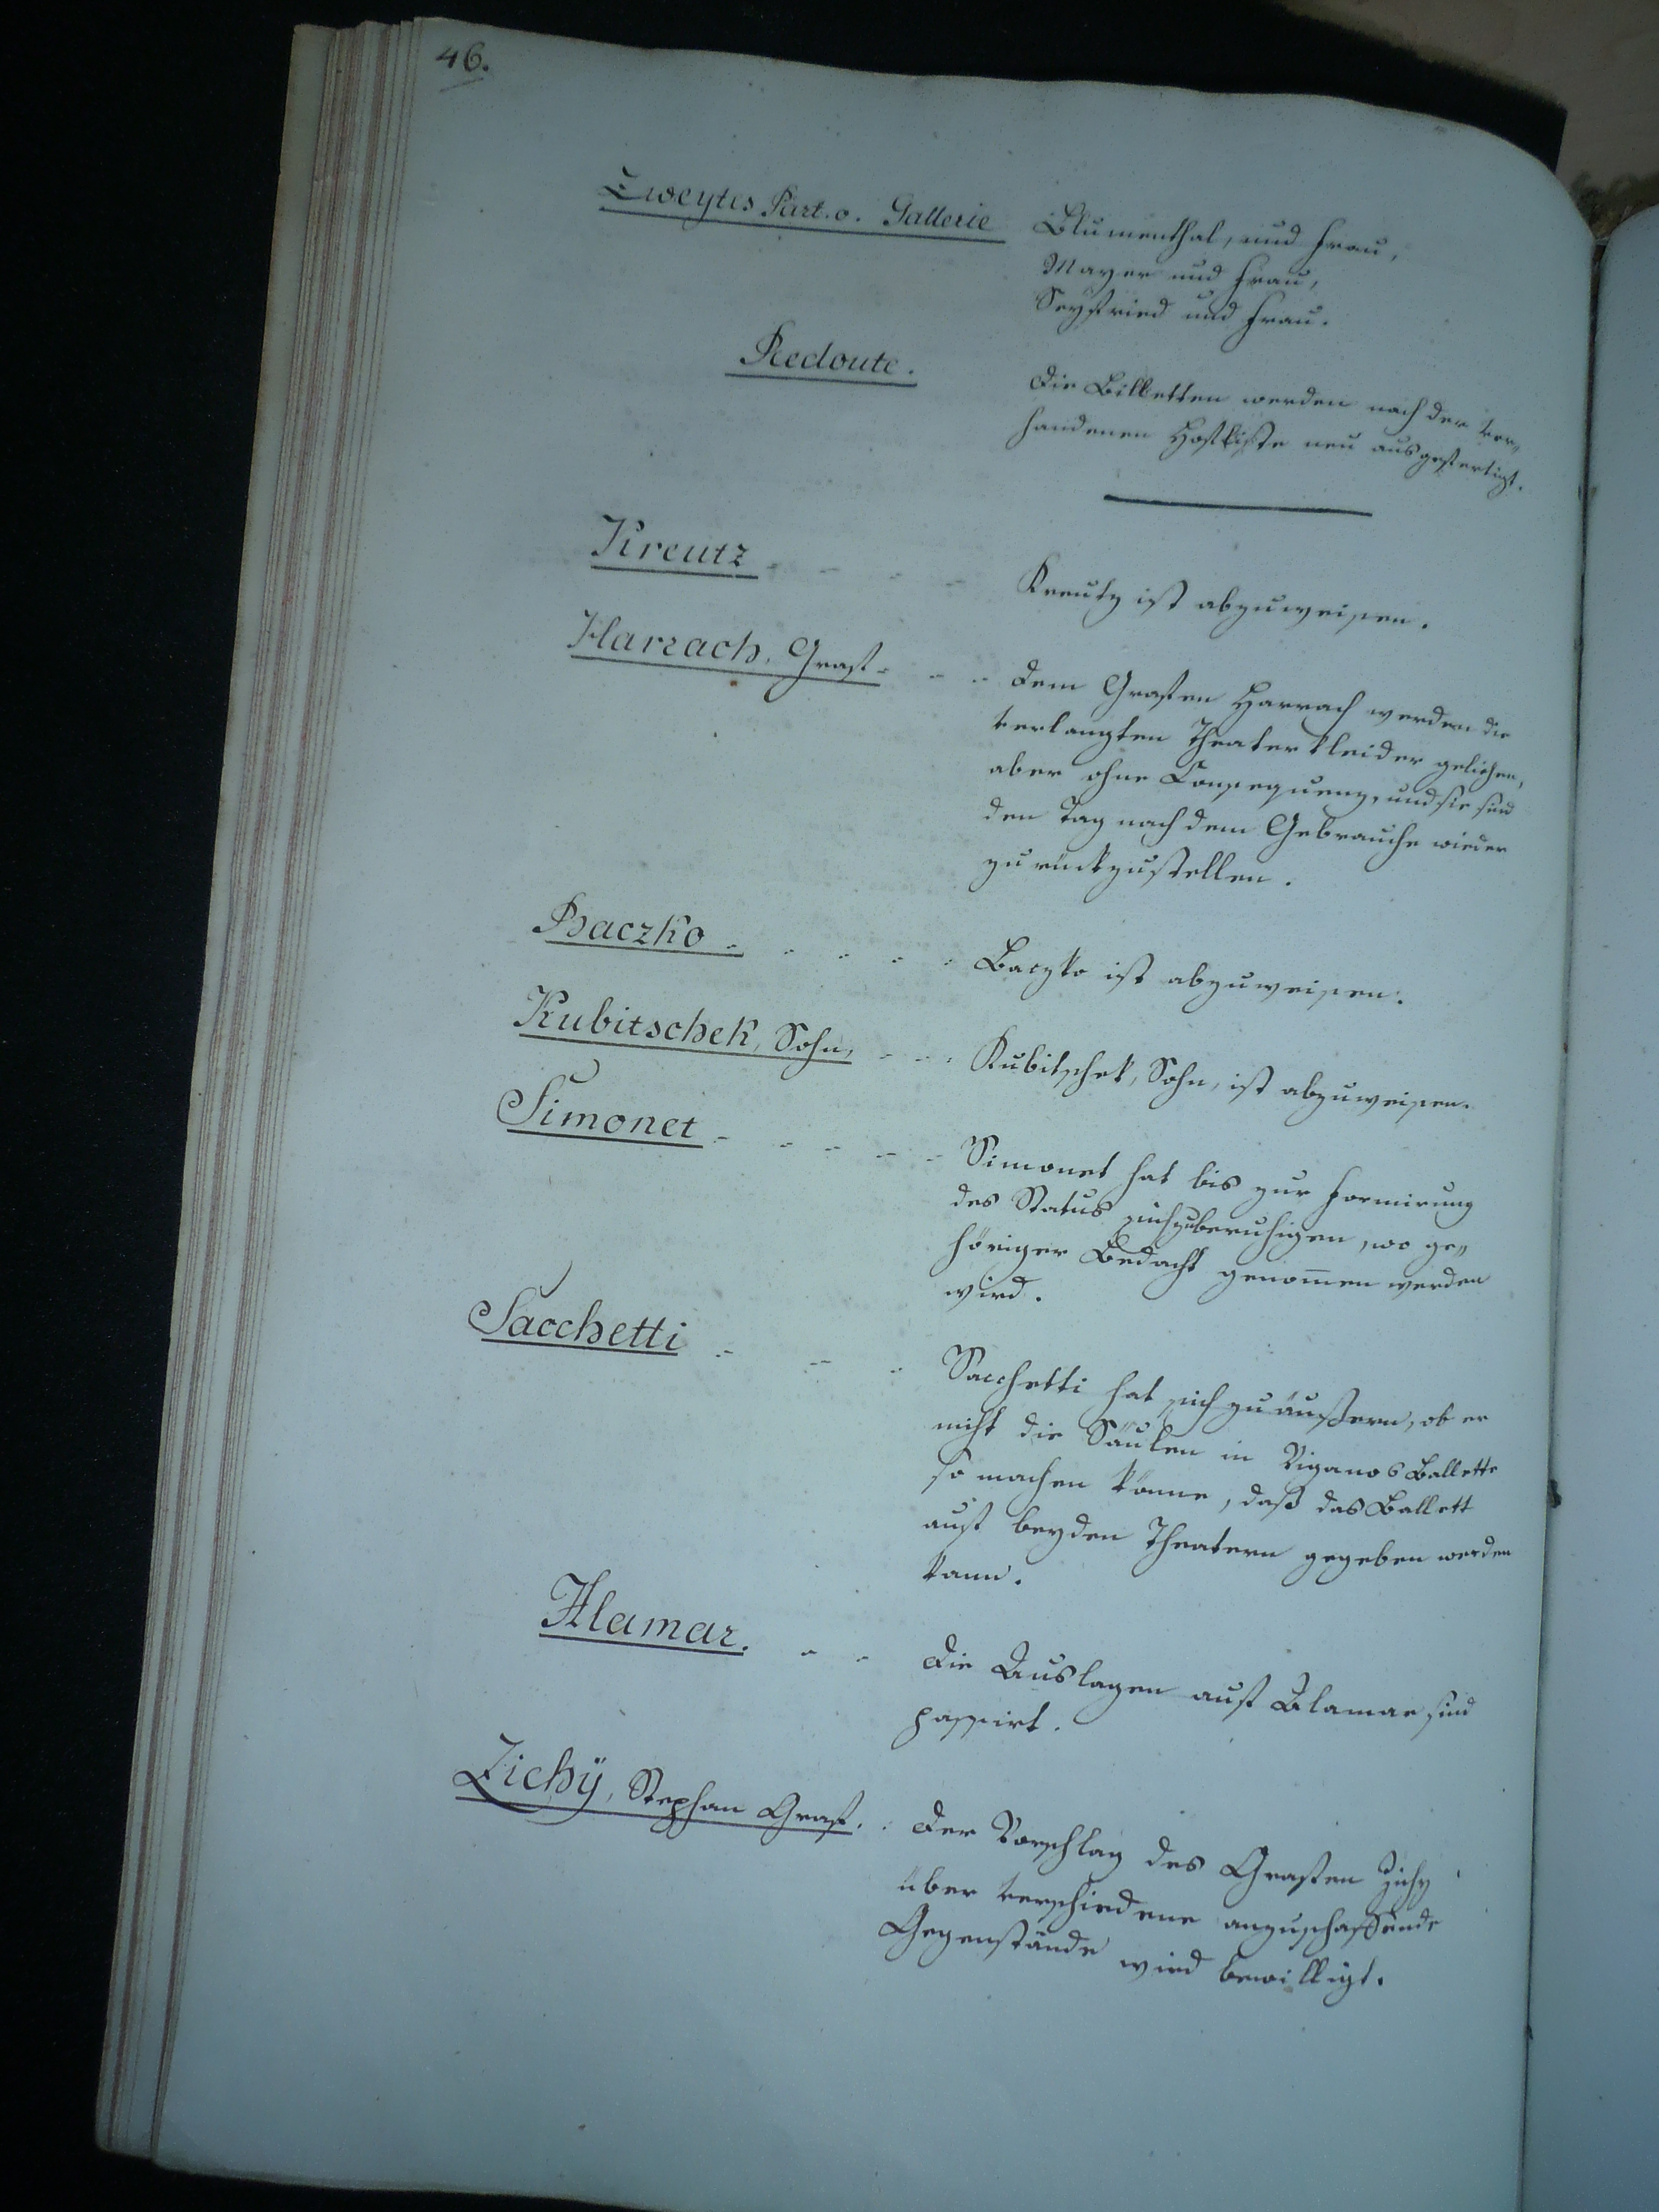46.
Zweytes Part. o. Gallerie
Blumenthal, und Frau,
Mayer und Frau,
Seyfried und Frau.
Redoute.
Die Billetten werden nach der vor¬
handenen Hofliste neu ausgefertigt.
_____________________________
Kreutz : : : : Kreutz ist abzuweisen.
Harrach, Graf : : : Dem Grafen Harrach werden die
verlangten Theater Kleider geliehen,
aber ohne Consequenz, und sie sind
den Tag nach dem Gebrauche wieder
zurückzustellen.
Baczko : : : : : Baczko ist abzuweisen.
Kubitschek, Sohn, : : : Kubitschek, Sohn, ist abzuweisen.
Simonet : : : : : Simonet hat bis zur Formirung
des Status sichzuberuhigen, wo ge¬
höriger Bedacht genom̅en werden
wird.
Sacchetti : : : Sacchetti hat sich zu äußern, ob er
nicht die Säulen in Viganos Ballette
so machen könne, daß das Ballett
auf beyden Theatern gegeben werden
kann.
Alamar. : : Die Auslagen auf Alamar sind
passirt.
Zichy, Stephan Graf. : Der Vorschlag des Grafen Zichy
über verschiedene anzuschaffende
Gegenstände wird bewilligt.